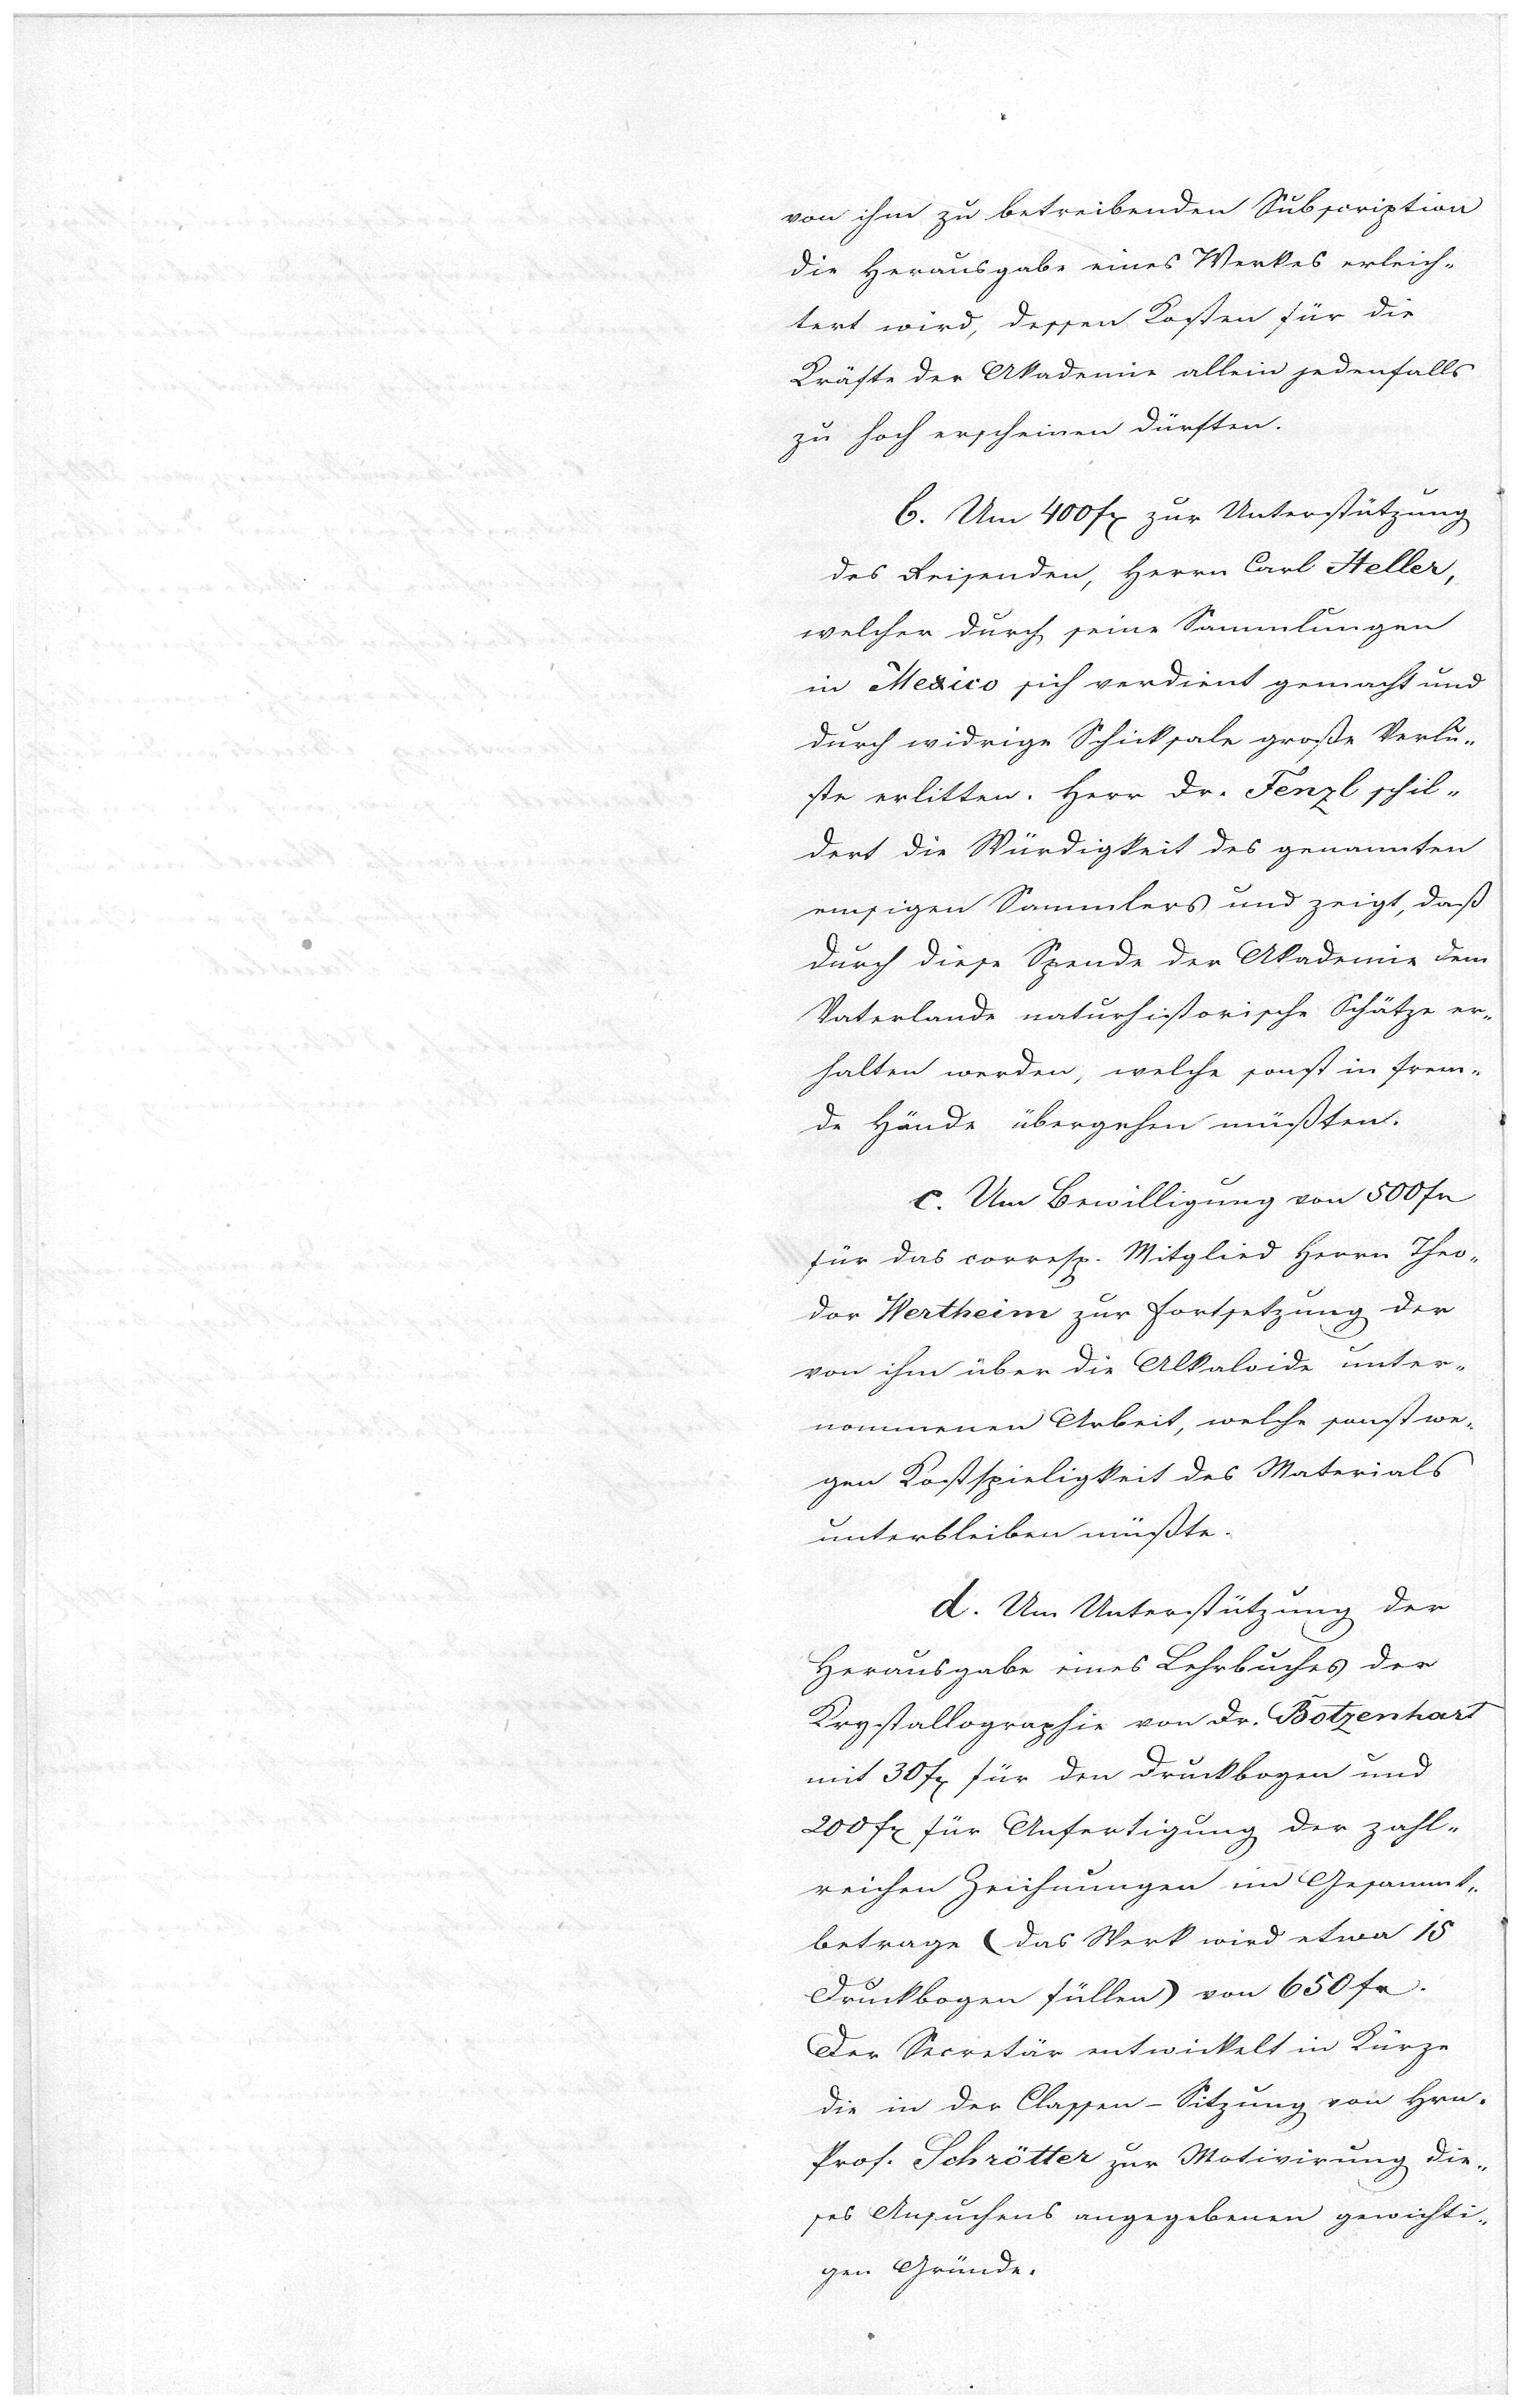von ihn zu betreibenden Subscription
die Herausgabe eines Werkes erleich-
tert wird, dessen Kosten für die
Kräfte der Akademie allein jedenfalls
zu hoch erscheinen dürften.
b. Um 400 fr zur Unterstützung
des Reisenden, Herrn Carl Heller,
welcher durch seine Sammlungen
in Mexico sich verdient gemacht und
durch widrige Schicksale große Verlu-
ste erlilten. Herr Dr. Fenzl schil-
dert die Würdigkeit des genannten
emsigen Sammlers und zeigt, daß
durch diese Spende der Akademie dem
Vaterlande naturhistorische Schätze er-
halten werden welche sonst in frem-
de Hände übergehen müßten.
c. Um Bewilligung von 500 fr
für das corresp. Mitglied Herrn Theo-
dor Wertheim zur Fortsetzung der
von ihm über die Alkaloide unter-
nommenen Arbeit, welche sonst we-
gen Kostspieligkeit des Materials
unterbleiben müßte.
d. Um Unterstützung der
Herausgabe eines Lehrbuches der
Krystallographie von Dr. Botzenhart
mit 30 fr für den Druckbogen und
200 fr für Anfertigung der zahl-
reichen Zeichungen in Gesammt-
betrage (das Werk wird etwa 15
Druckbogen füllen) von 650 fr.
Der Secretär entwickelt in Kürze
die in der Classen-Sitzung von Hrn.
Prof. Schrötter zur Motivirung die-
ses Ansuchen angegebenen gewichti-
gen Gründe.